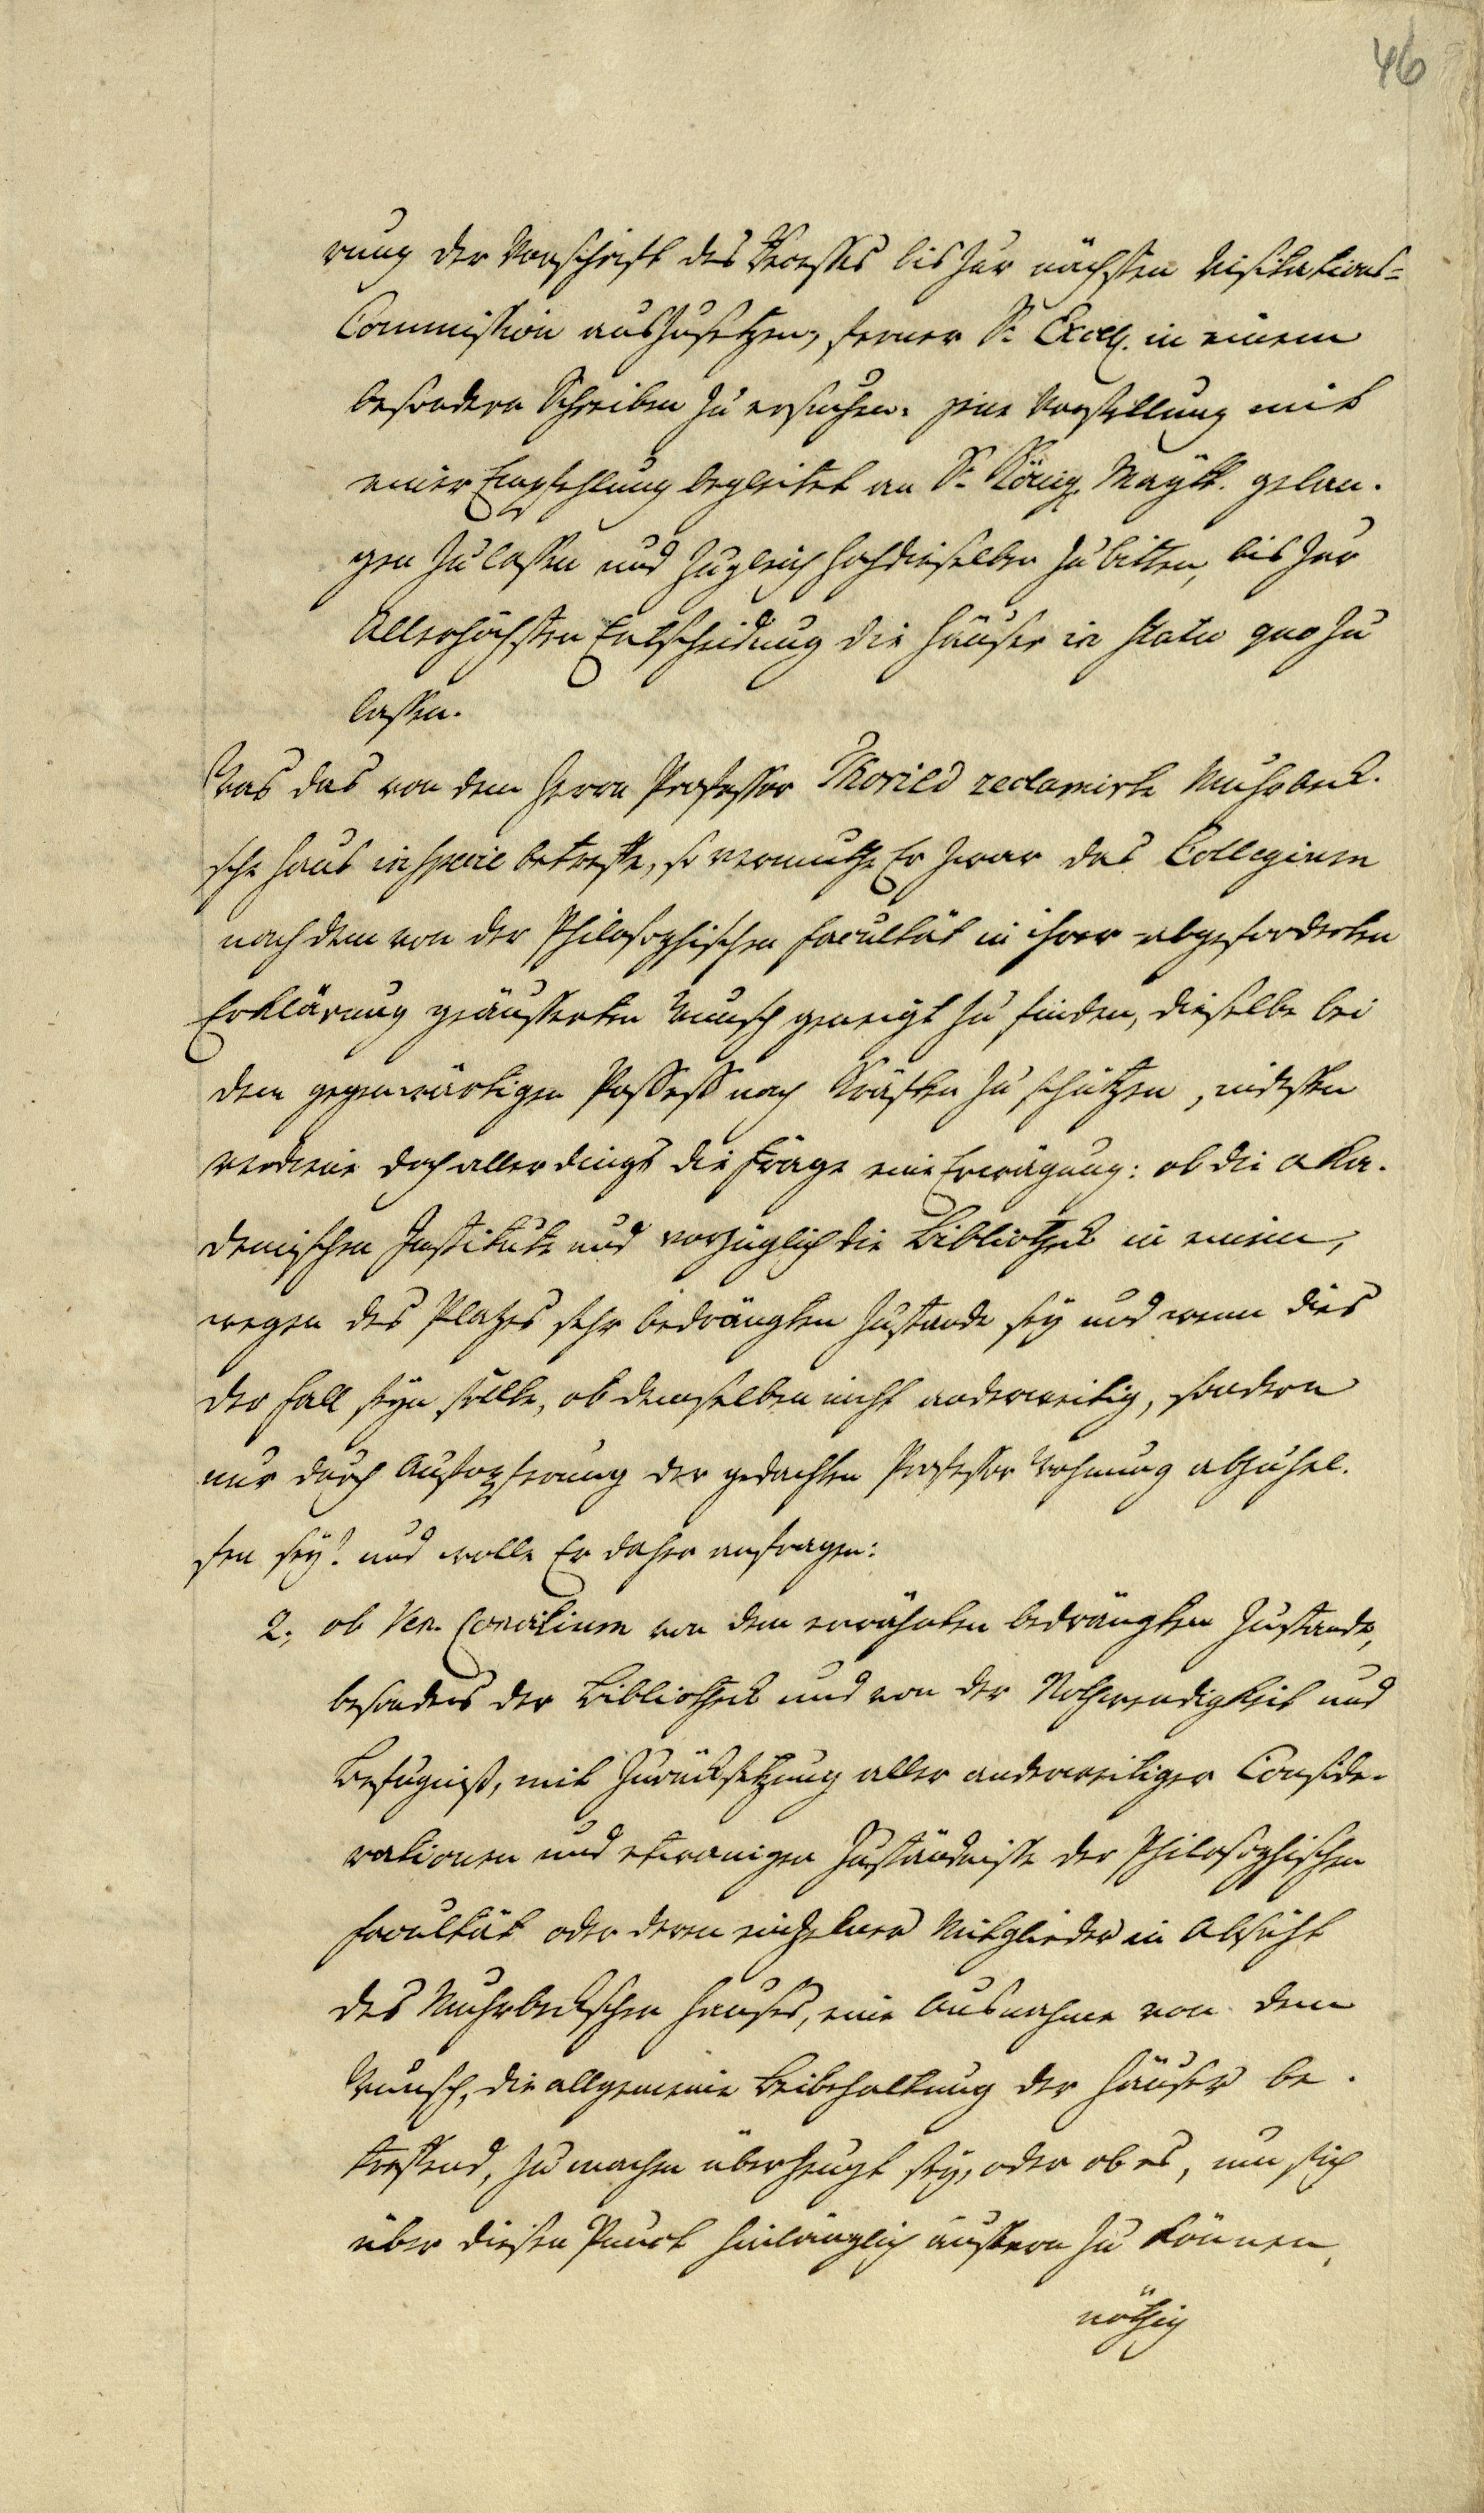rung der Vorschrift des Recesses bis zur nächsten Visitations-
Commission auszusetzen, seiner Sr. Excel. in einem
besondern Schreiben zu ersuchen: jene Vorstellung mit
einer Empfehlung begleitet an Sr. Königl Maÿtt. gelan¬
gen zu lassen und zugleich hochdieselben zu bitten, bis zur
Allerhöchsten Entscheidung die Häuser in statu quo zu
lassen.
Was das von dem Herrn Professor Thorild reclamirte Muhrbeck¬
sche Haus in specie betreffe, so vermuthe Er zwar das Collegium
nach dem von der Philosophischen Facultät in ihrer abgeforderten
Erklärung geäusserten Wunsch geneigt zu finden, dieselbe bei
dem gegenwärtigen Passus nach Kräften zu schützen, indessen
verdiene doch allerdings die Frage eine Erwägung: ob die aka¬
demischen Institute und vorzüglich die Bibliothek in einem,
wegen des Platzes sehr bedrängten Zustande seÿ und wenn dies
der Fall seÿn sollte, ob demselben nicht anderweitig, sondern
nur durch Aufopferung der gedachten Professor Wohnung abzuhel¬
fen seÿ? und wolle Er daher anfragen:
2. ob Ven. Concilium von dem erwähnten bedrängten Zustande,
besonders der Bibliothek und von der Nothwendigkeit und
Befugniß, mit Zurücksetzung aller anderweitiger Conside¬
rationen und etwanigen Zuständisse der Philosophischen
Facultät oder deren einzelner Mitglieder in Absicht
des Muhrbeckschen Hauses, eine Ausnahme von dem
Wunsch, die allgemeine Beibehaltung der Häuser be¬
treffend, zu machen überzeugt seÿ, oder ob es, um sich
über diesen Punct hinlänglich äussern zu können,
nöthig